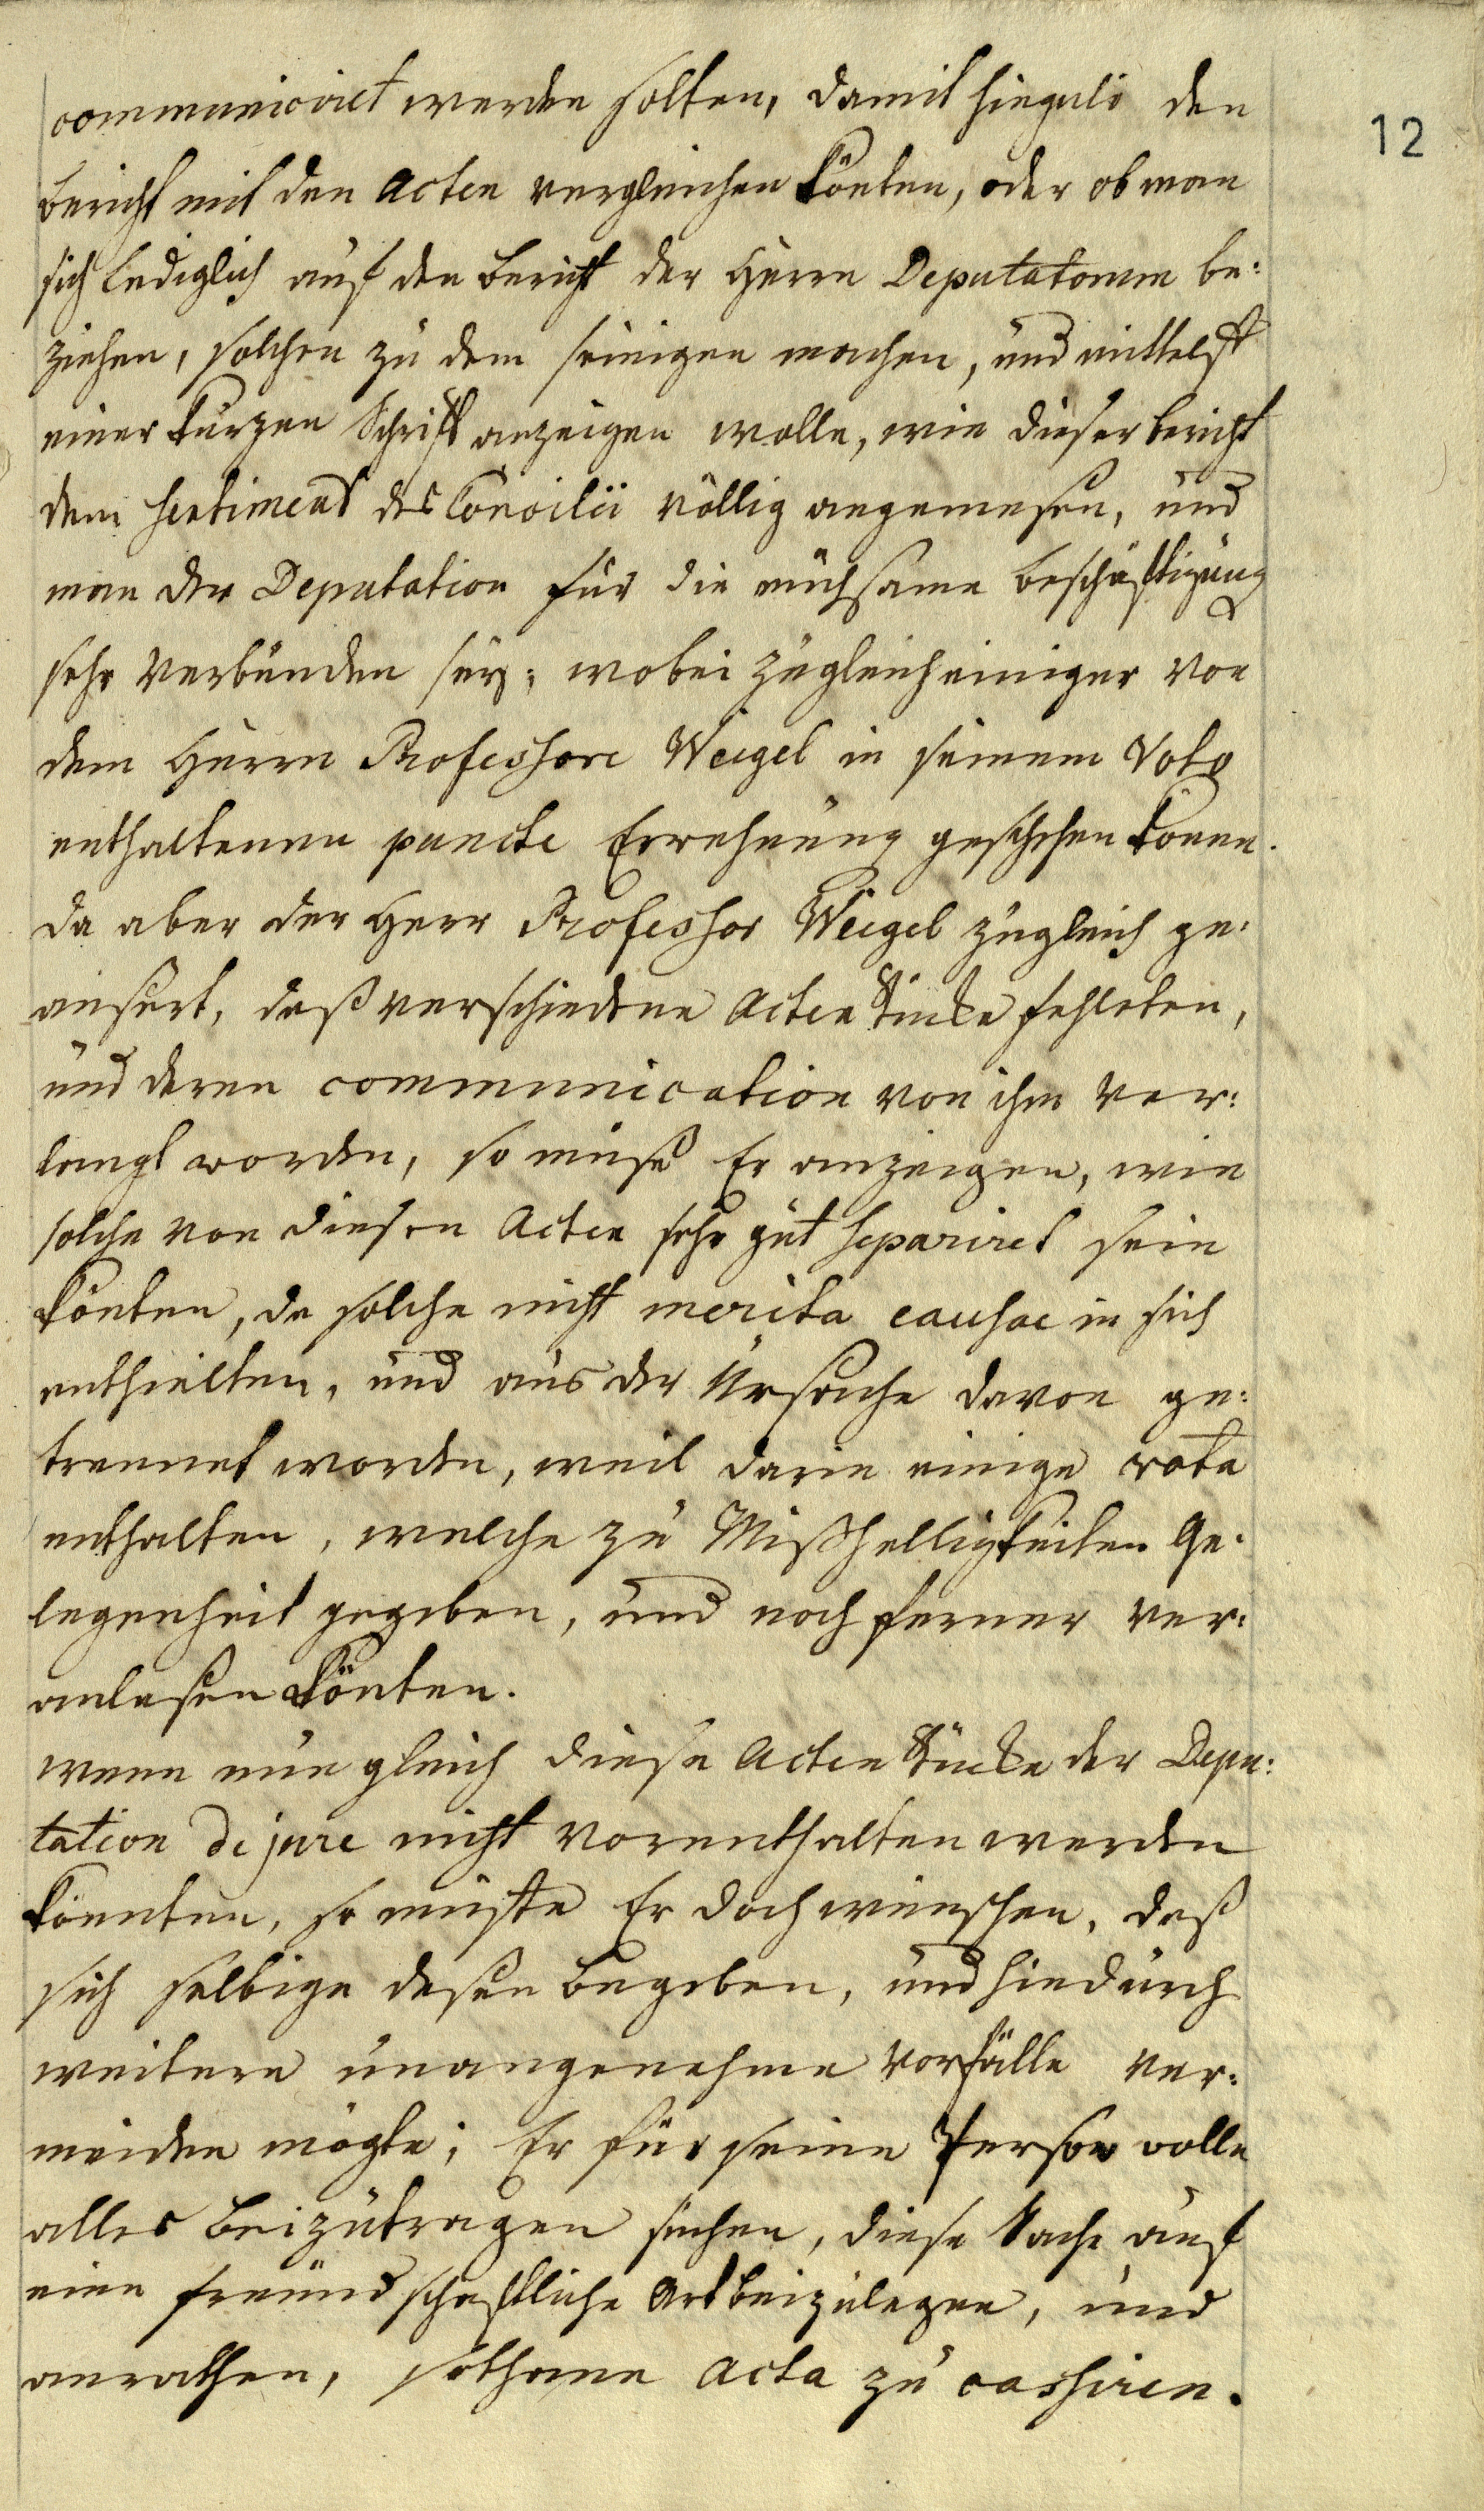communiciret werden solten, damit singuli den
Bericht mit den Acten vergleichen könten, oder ob man
sich lediglich auf den Bericht der Herrn Deputatorum be¬
ziehen, solchen zu dem seinigen machen, und mittelst
einer kurzen Schrift anzeigen wolle, wie dieser bericht
dem sentiment des Concilii völlig angemeßen, und
man der Deputation für die mühsame Beschäftigung
sehr verbunden seÿ, wobei zugleich einiger von
dem Herrn Professor Weigel in seinem Voto
enthaltenen puncte Erwehnung geschehen könne.
Da aber der Herr Professor Weigel zugleich ge¬
äußert, daß verschiedene Acten Stücke fehleten,
und deren communication von ihm ver¬
langt worden, so müße Er anzeigen, wie
solche von diesen Acten sehr gut separiret sein
könten, da solche nicht merata causae in sich
enthielten, und aus der Ursache davon ge¬
trennt worden, weil darin einige vota
enthalten, welche zu Mißhelligkeiten Ge¬
legenheit gegeben, und noch ferner ver¬
anlaßen könten.
wenn nun gleich diese Acten Stücke der Depu¬
tation de jure nicht vorenthalten werden
könnten, so müste Er doch wünschen, daß
sich selbige deßen begeben, und hiedurch
weitere unangenehme Vorfälle ver¬
meiden mögte; Er für seine Person wolle
alles beizutragen suchen, diese Sache auf
eine freundschaftliche Art beizulegen, und
anrathen, sothane acta zu cassiren.